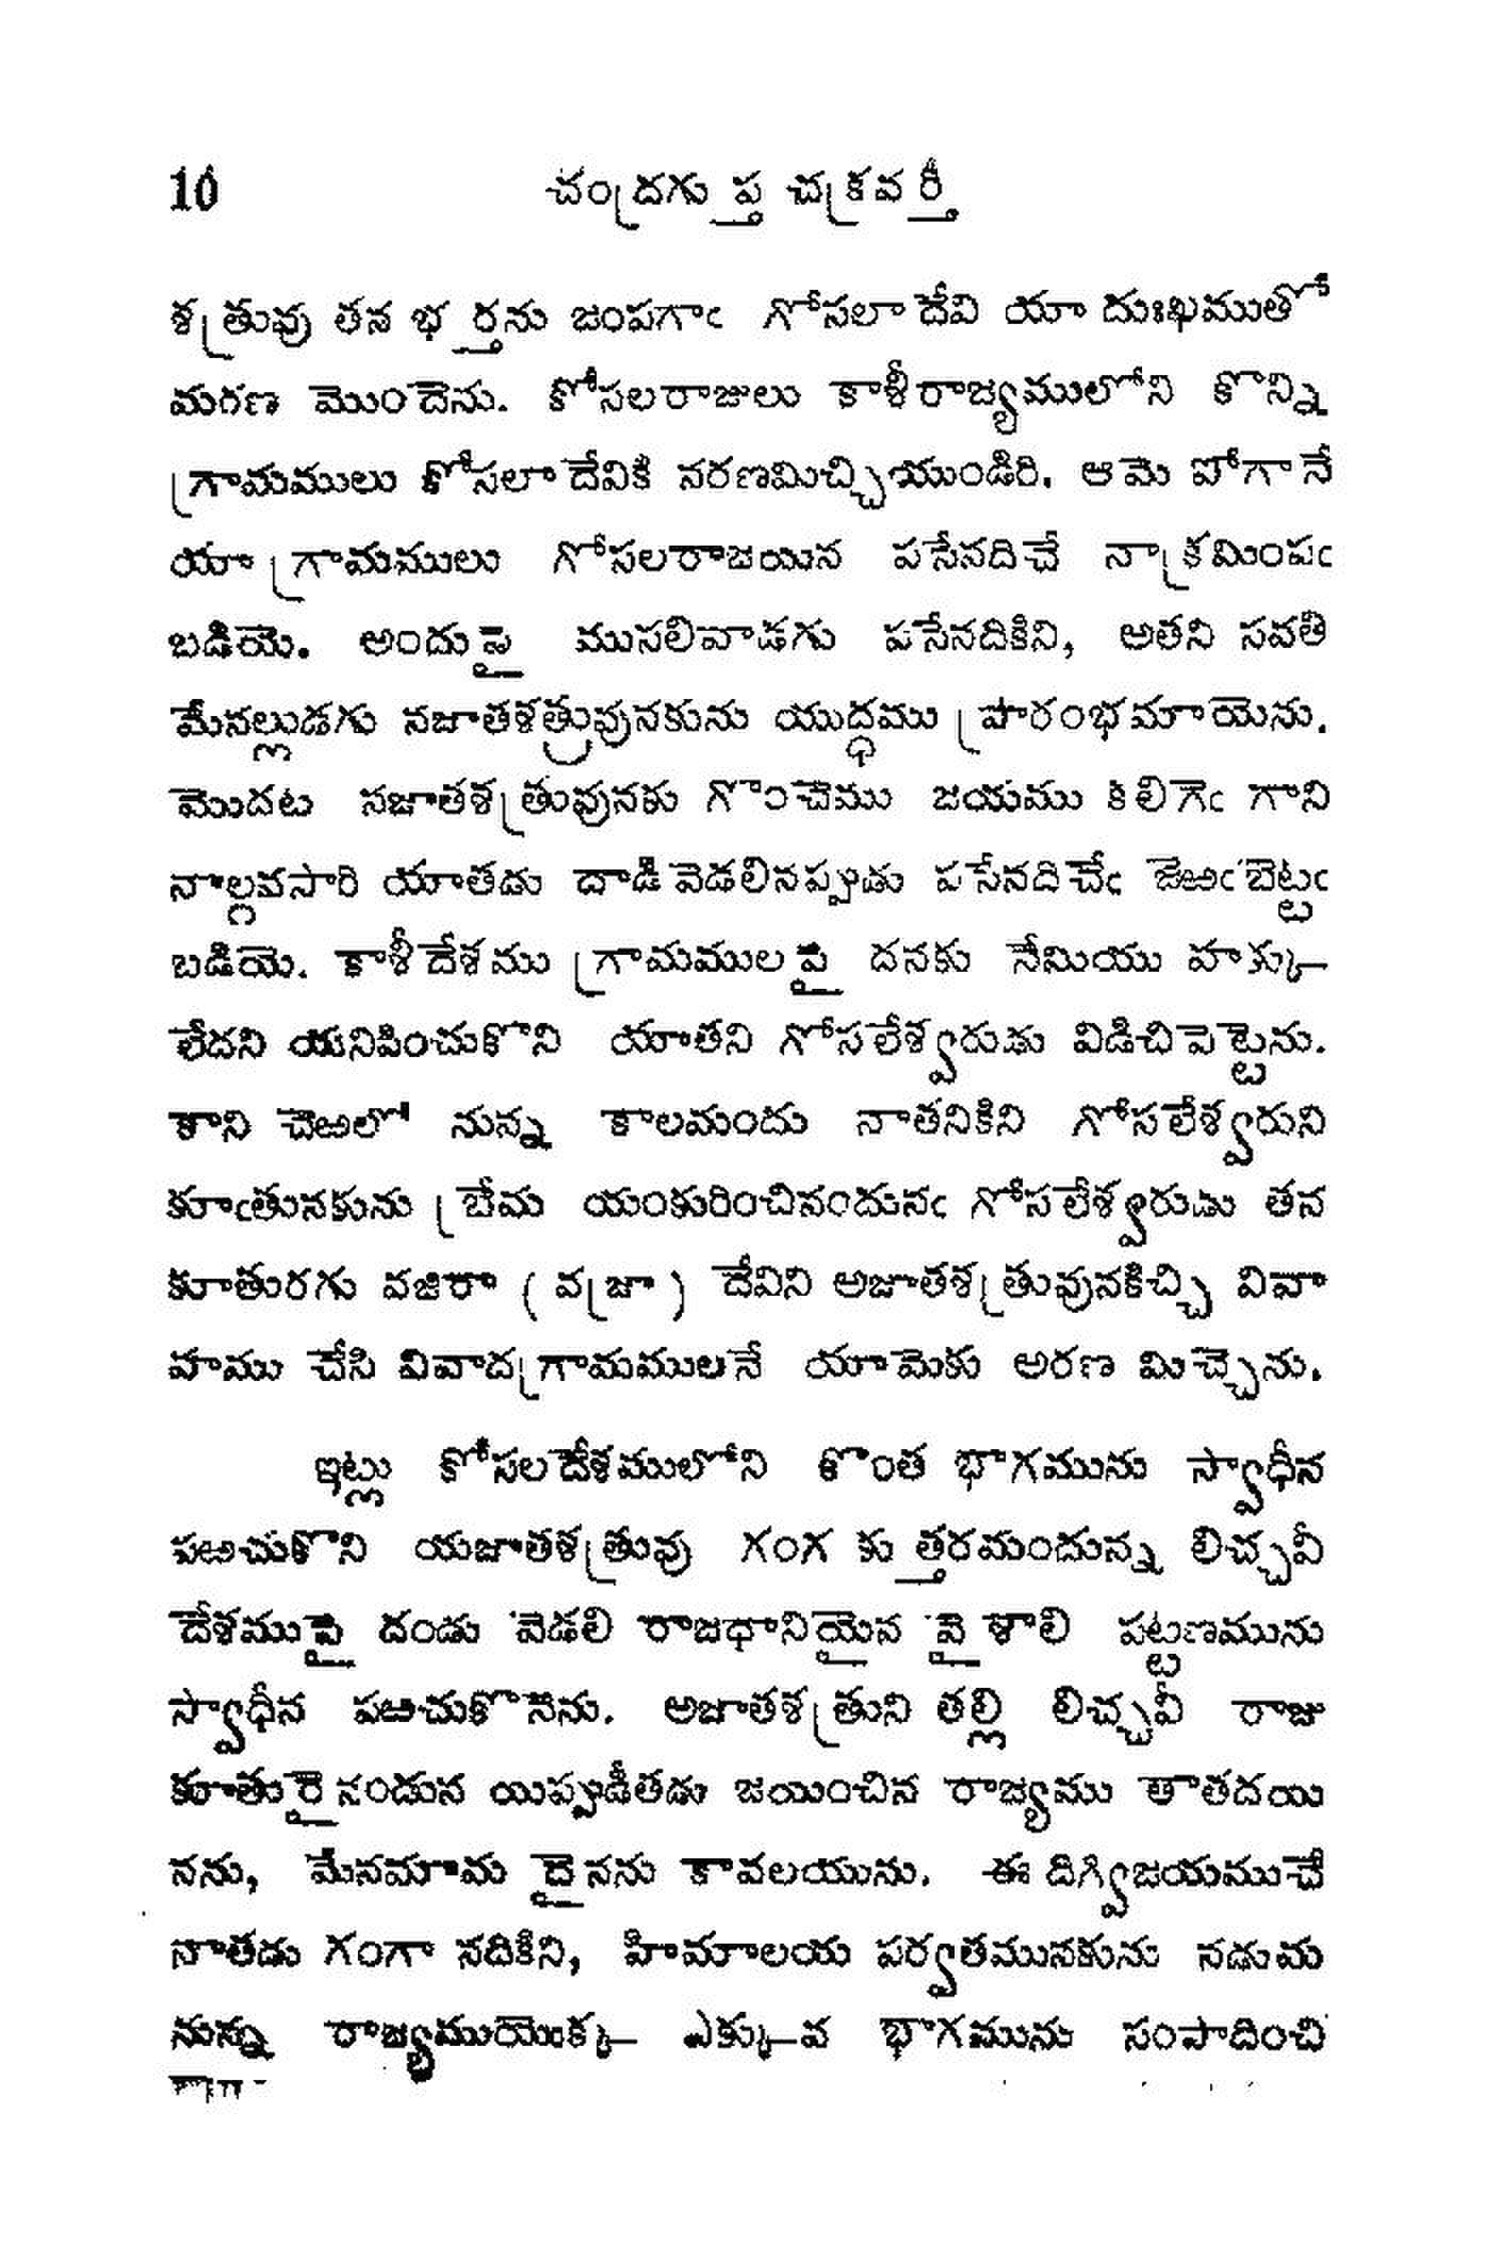శత్రువు తన భర్తను జంపగాఁ గోసలాదేవి యా దుఃఖముతో మరణ మొందెను. కోసలరాజులు కాశీరాజ్యములోని కొన్ని గ్రామములు కోసలాదేవికి నరణమిచ్చియుండిరి. ఆమె పోగానే యా గ్రామములు గోసలరాజయిన పసేనదిచే నాక్రమింపఁ బడియె. అందుపై ముసలివాడగు పసేనదికిని, అతని సవతి మేనల్లుడగు నజాతశత్రువునకును యుద్ధము ప్రారంభమాయెను. మొదట నజాతశత్రువునకు గొంచెము జయము కిలిగెఁ గాని నాల్గవసారి యాతడు దాడి వెడలినప్పుడు పసేనదిచేఁ జెఱఁబెట్టఁ బడియె. కాశీదేశము గ్రామములపై దనకు నేమియు హక్కులేదని యనిపించుకొని యాతని గోసలేశ్వరుడు విడిచి పెట్టెను. కాని చెఱలో నున్న కాలమందు నాతనికిని గోసలేశ్వరుని కూఁతునకును బ్రేమ యంకురించినందునఁ గోసలేశ్వరుడు తన కూతురగు వజిరా (వజ్రా) దేవిని అజూతశత్రువునకిచ్చి వివాహము చేసి వివాద గ్రామములనే యూమెకు అరణ మిచ్చెను.

ఇట్లు కోసలదేశములోని కొంత భాగమును స్వాధీన పఱచుకొని యజాతశత్రువు గంగ కుత్తరమందున్న లిచ్ఛవీ దేశముపై దండు వెడలి రాజధానియైన వైశాలి పట్టణమును స్వాధీన పజచుకొనెను. అజాతశత్రుని తల్లి లిచ్ఛవీ రాజు కూతురైనందున యిప్పుడీతడు జయించిన రాజ్యము తాతదయినను, మేనమామ దైనను కావలయును. ఈ దిగ్విజయముచే నాతడు గంగా నదికిని, హిమాలయ పర్వతమునకును నడుమ నున్న రాజ్యముయొక్క ఎక్కువ భాగమును సంపాదించి